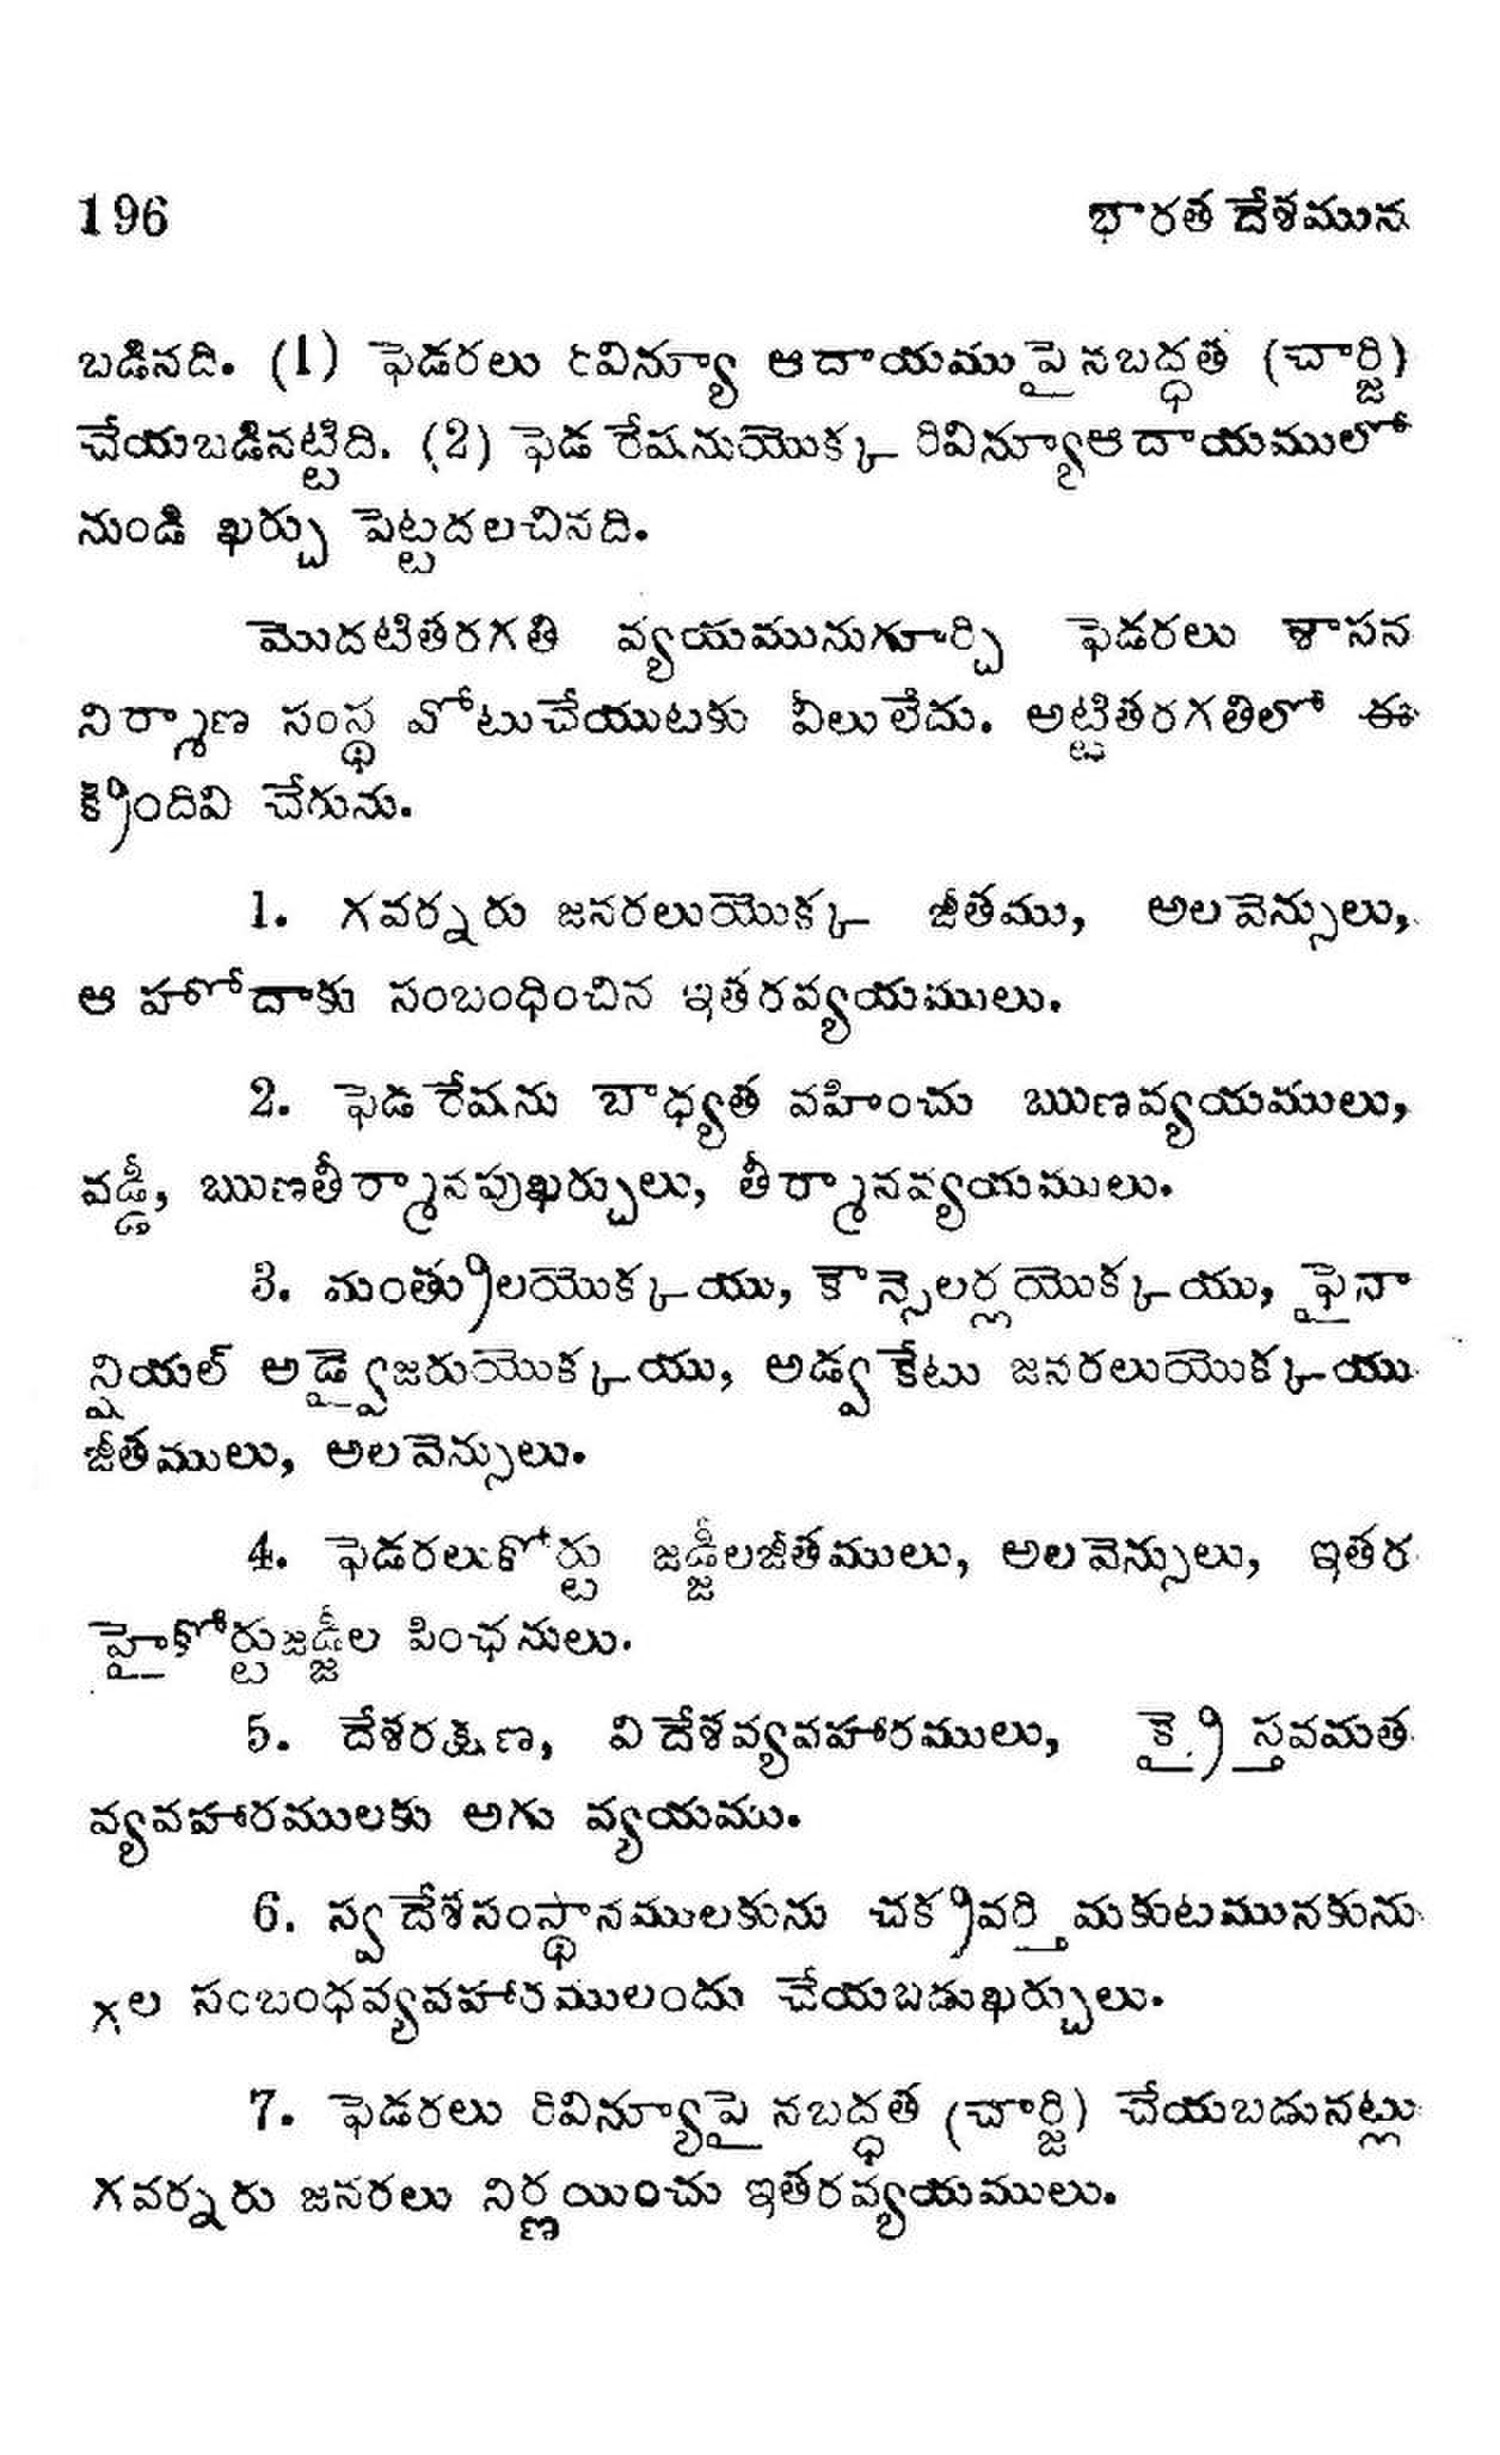బడినది. (I) ఫెడరలు రివిన్యూ ఆదాయముపైనబద్దత (చార్జి) చేయబడినట్టిది. (2) ఫెడరేషనుయొక్క రివిన్యూఆదాయములో నుండి ఖర్చు పెట్టదలచినది.

మొదటితరగతి వ్యయమునుగూర్చి ఫెడరలు శాసననిర్మాణ సంస్థ వోటుచేయుటకు వీలులేదు. అట్టితరగతిలో ఈ క్రిందివి చేరును.

1. గవర్నరు జనరలుయొక్క జీతము, అలవెన్సులు, ఆ హోదాకు సంబంధించిన ఇతరవ్యయములు.

2. ఫెడరేషను బాధ్యత వహించు ఋణవ్యయములు, వడ్డీ, ఋణతీర్మానపుఖర్చులు, తీర్మానవ్యయములు.

3. మంత్రులయొక్కయు, కౌన్సెలర్లయొక్కయు, ఫైనాన్షియల్ అడ్వైజరుయొక్కయు, అడ్వకేటు జనరలుయొక్కయు. జీతములు, అలవెన్సులు.

4. ఫెడరలుకోర్టు జడ్జీలజీతములు, అలవెన్సులు, ఇతర హైకోర్టుజడ్జీల పింఛనులు.

5. దేశరక్షణ, విదేశవ్యవహారములు, క్రైస్తవమత వ్యవహారములకు అగు వ్యయము.

6. స్వదేశసంస్థానములకును చక్రవర్తి మకుటమునకును గల సంబంధవ్యవహారములందు చేయబడుఖర్చులు.

7. ఫెడరలు రెవిన్యూపైనబద్ధత (చార్జి) చేయబడునట్లు గవర్నరు జనరలు నిర్ణయించు ఇతరవ్యయములు.